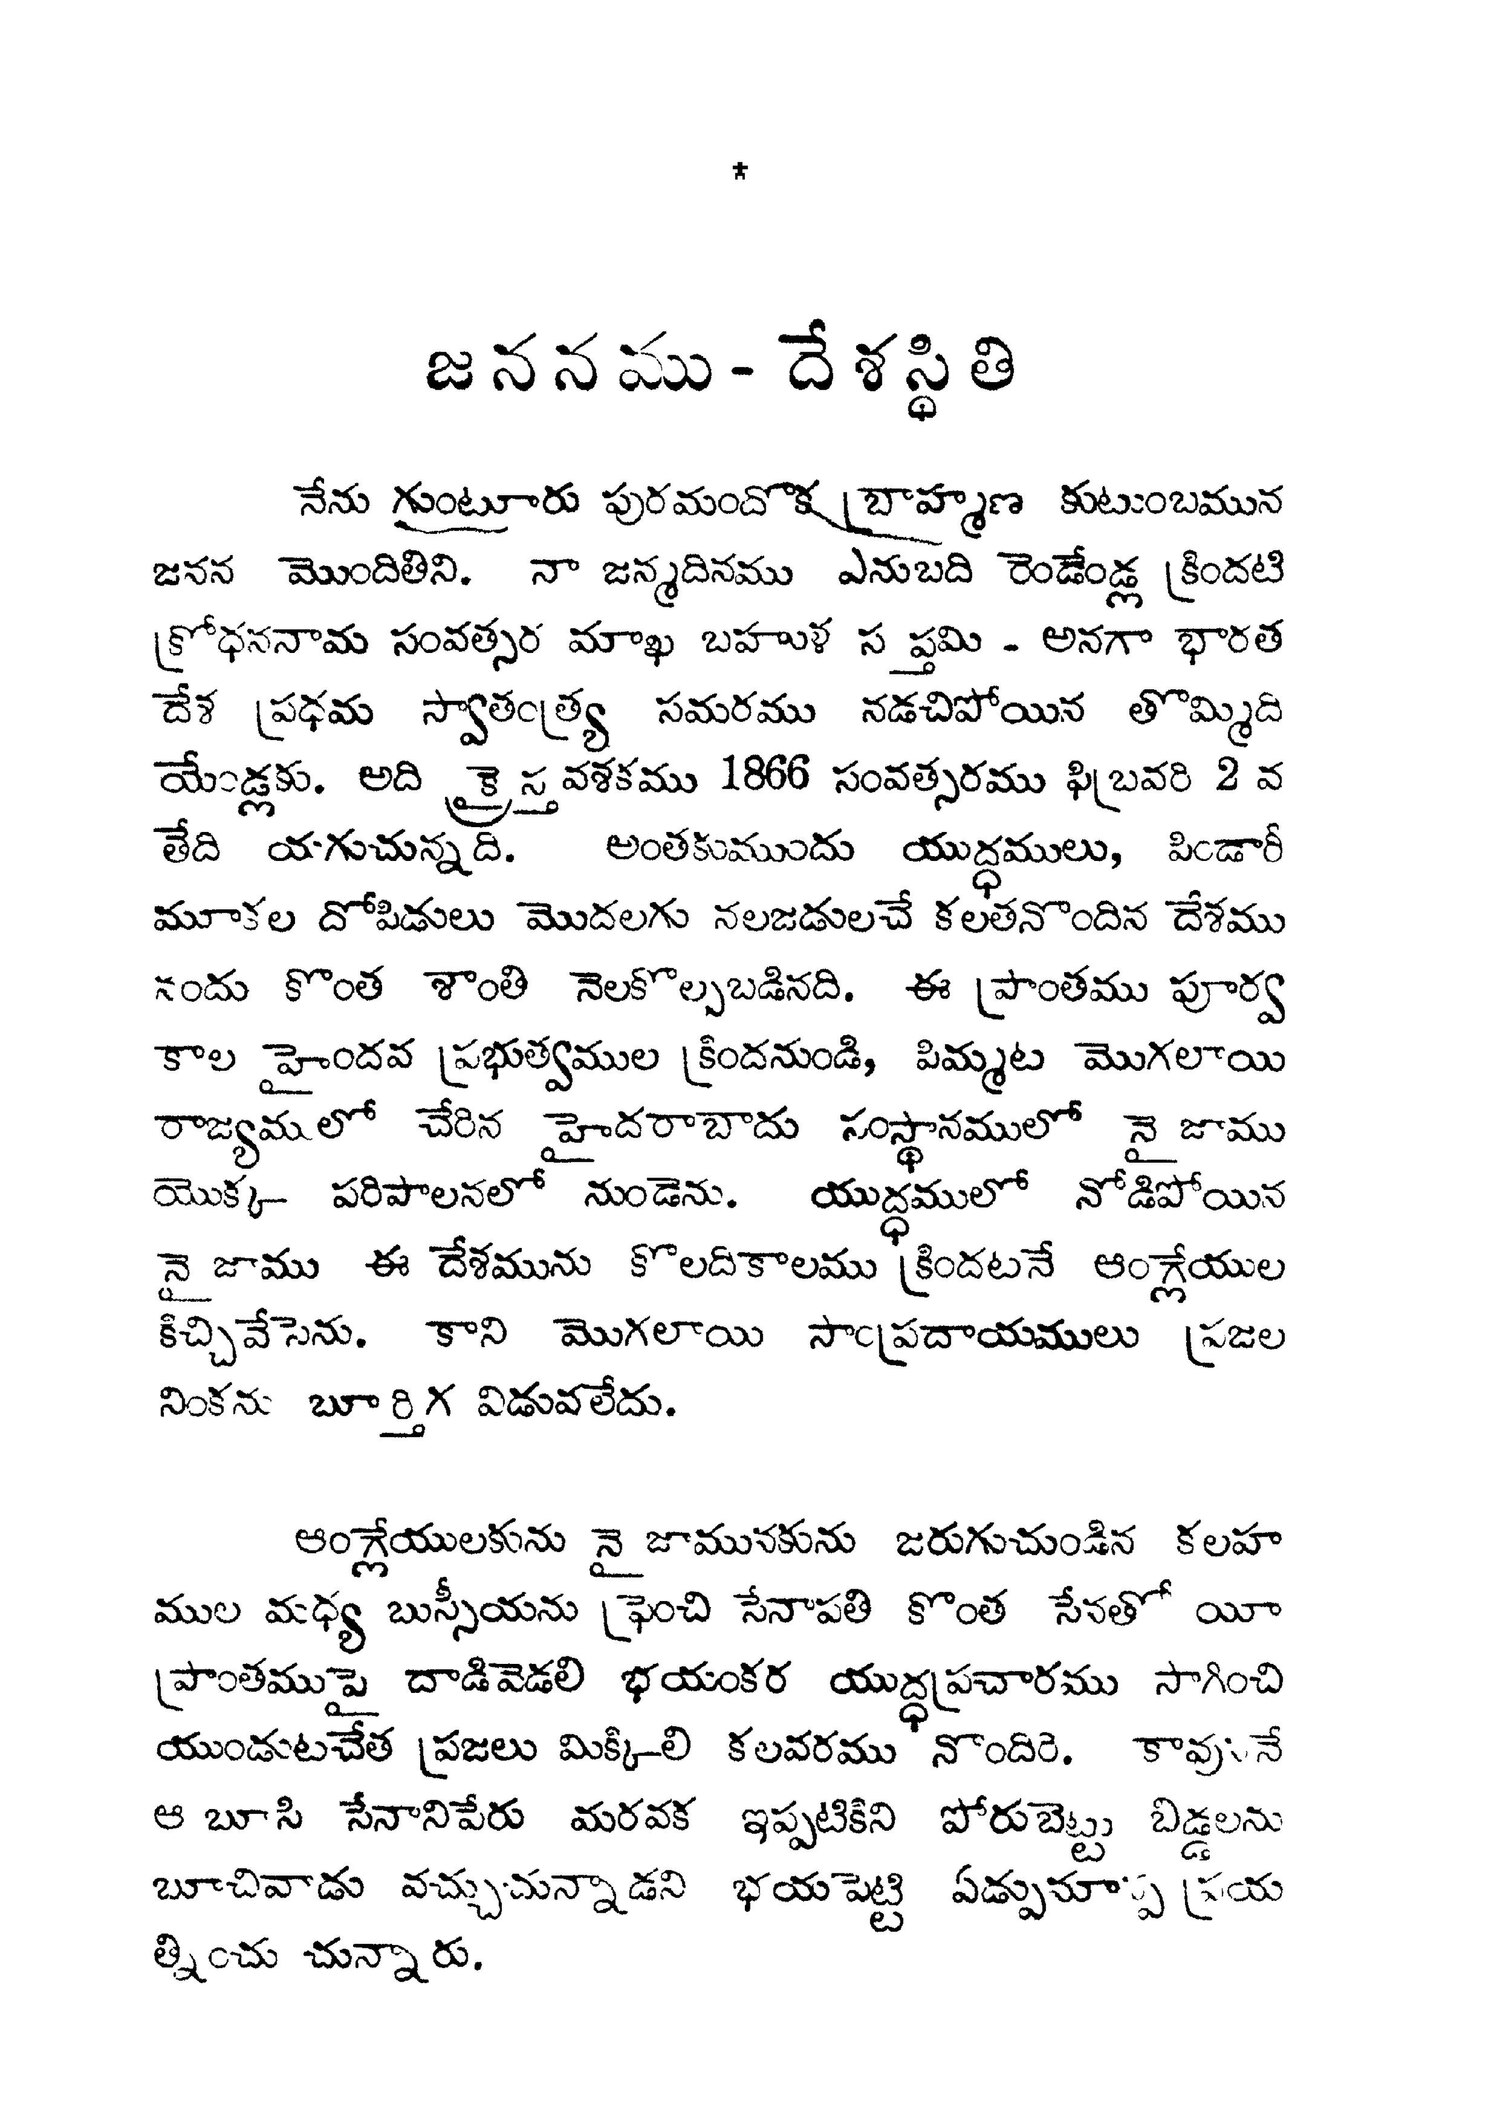నేను గుంటూరు పురమందొక బ్రాహ్మణ కుటుంబమున జనన మొదితిని. నా జన్మదినము ఎనుబది రెండేండ్ల క్రిందటి క్రోధననామ సంవత్సర మాఖ బహుళ సప్తమి. అనగా భారత దేశ ప్రధమ స్వాతంత్ర్య సమరము నడచిపోయిన తొమ్మిది యేండ్లకు. అది క్రైస్తవశకము 1866 సంవత్సరము ఫిబ్రవరి 2 వ తేది యగుచున్నది. అంతకుముందు యుద్ధములు, పిండారీ మూకల దోపీడులు మొదలగు నలజడులచే కలతనొందిన దేశమునందు కొంత శాంతి నెలకొల్పబడినది. ఈ ప్రాంతము పూర్వకాల హైందవ ప్రభుత్వముల క్రిందనుండి, పిమ్మట మొగలాయి రాజ్యములో చేరిన హైదరాబాదు సంస్థానములో నైజాము యొక్క పరిపాలనలో నుండెను. యుద్ధములో నోడిపోయిన నైజాము ఈ దేశమును కొలదికాలము క్రిందటనే ఆంగ్లేయుల కిచ్చివేసెను. కాని మొగలాయి సాంప్రదాయములు ప్రజల నింకను బూర్తిగా విడువలేదు.

ఆంగ్లేయులకును నైజామునకును జరుగుచుండిన కలహముల మధ్య బుస్సీయను ఫ్రెంచి సేనాపతి కొంత సేనతో యీ ప్రాంతముపై దాడివెడలి భయంకర యుద్ధప్రచారము సాగించి యుండుటచేత ప్రజలు మిక్కిలి కలవరము నొందిరి. కావుననే ఆ బూసి సేనానిపేరు మరవక ఇప్పటికిని పోరుబెట్టు బిడ్డలను బూచివాడు వచ్చుచున్నాడని భయపెట్టి ఏడ్పుమాన్ప ప్రయత్నించు చున్నారు.